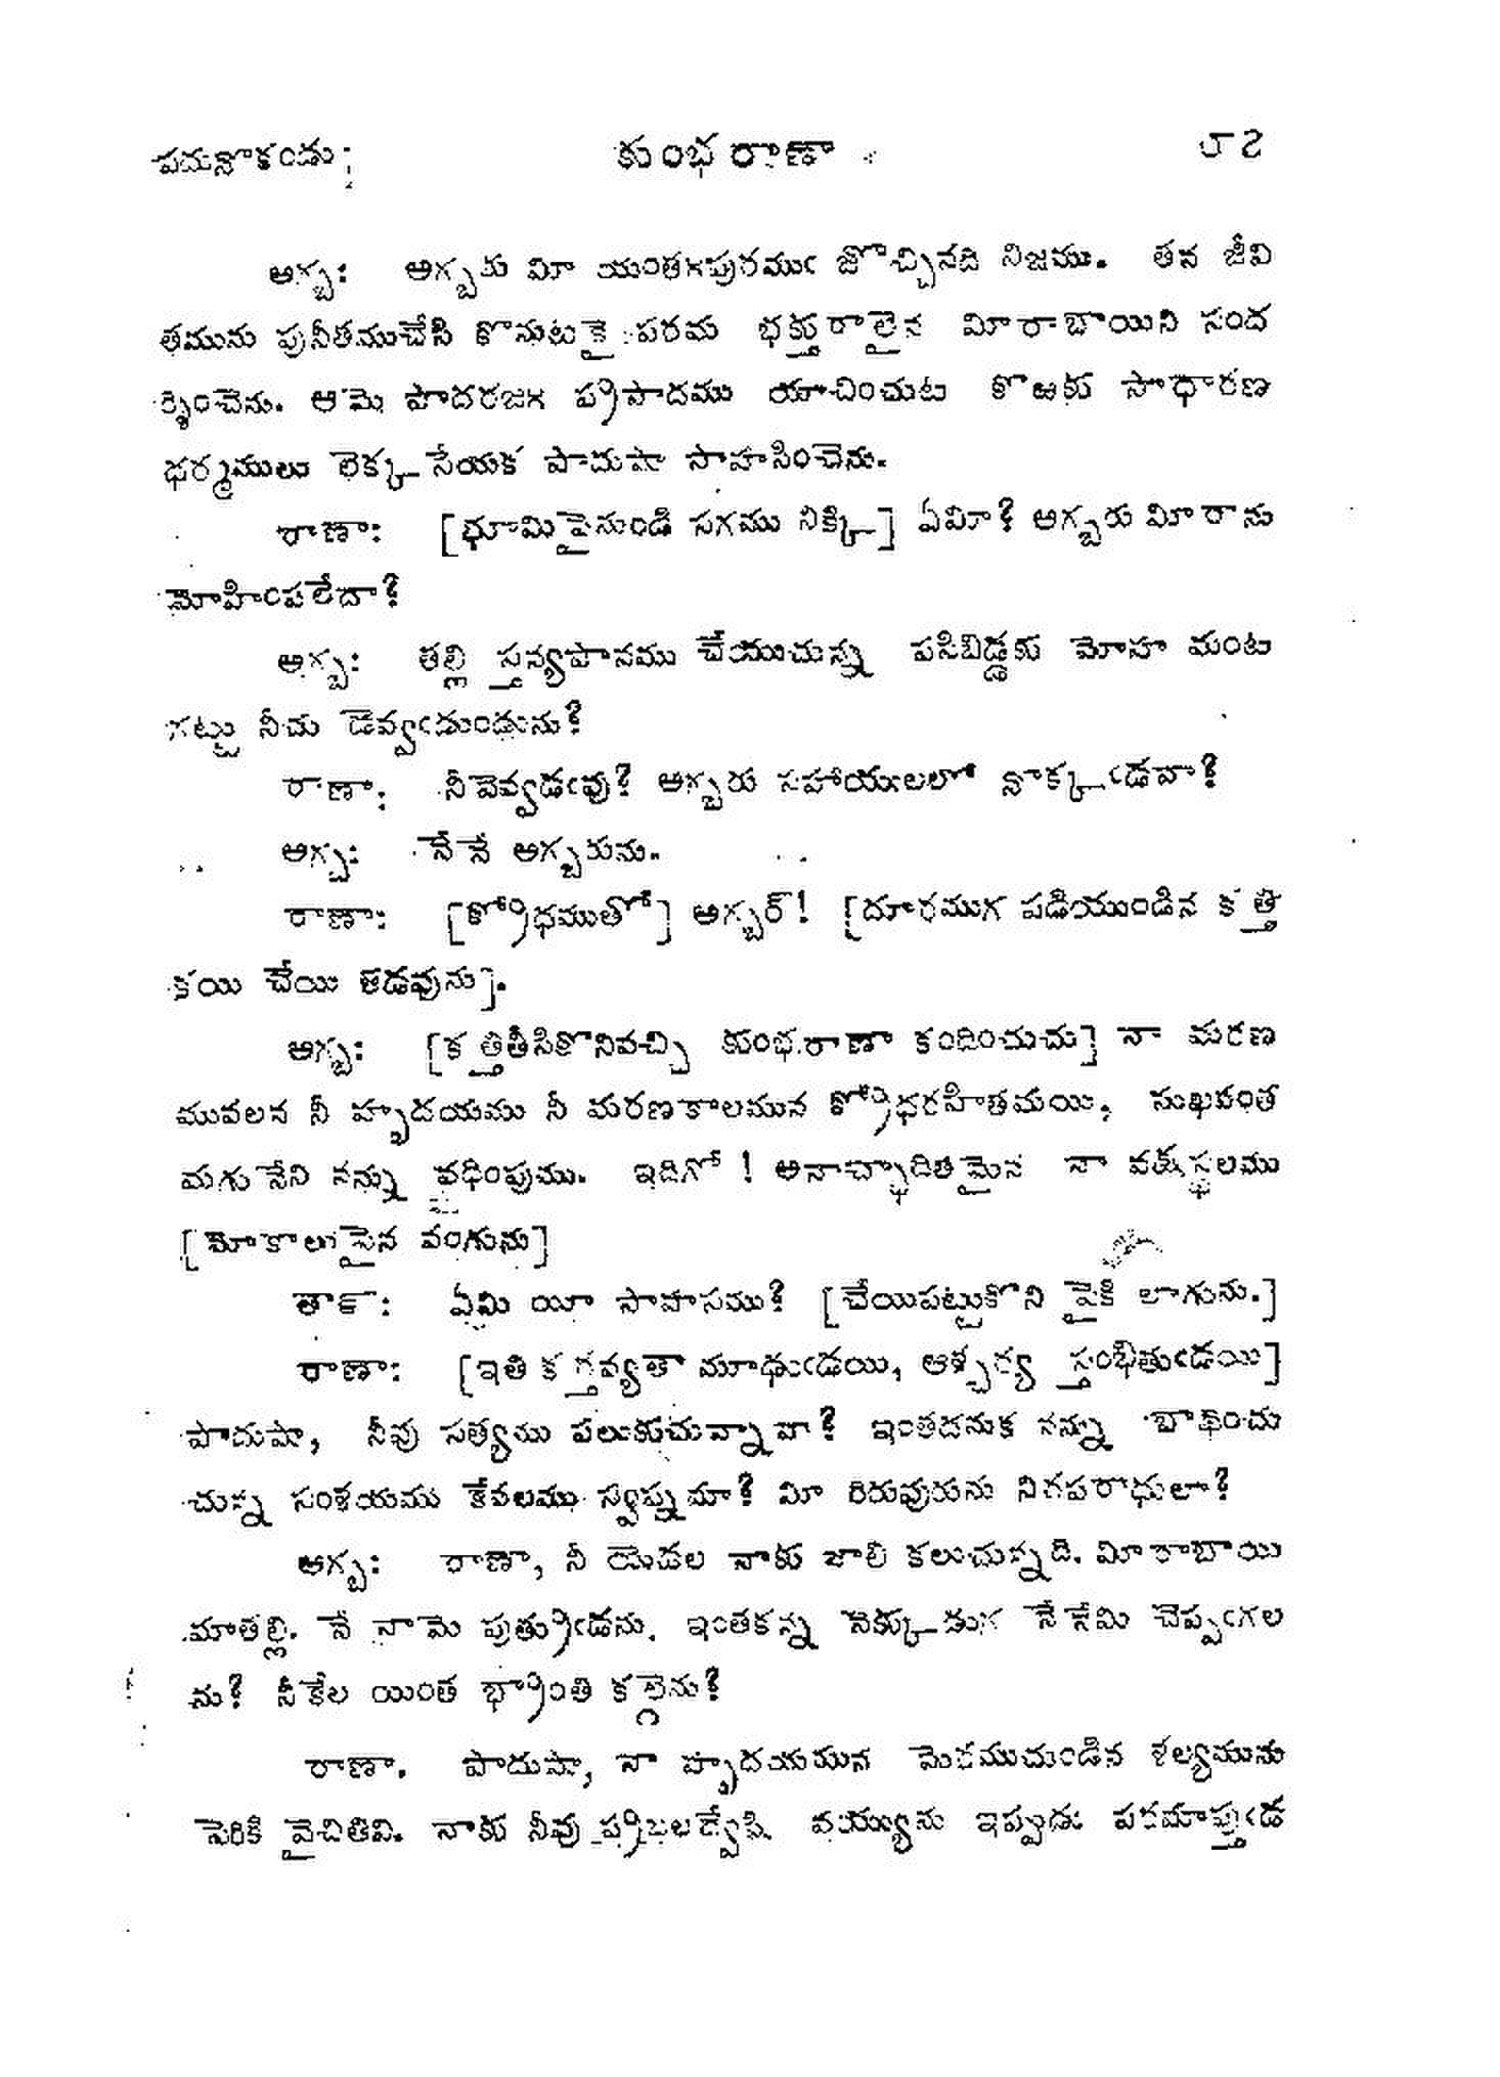అగ్బ : అగ్బరు మీ యంత:పురముఁ జొచ్చినది నిజము. తన జీవితమును పునీతముచేసి కొనుటకై పరమ భక్తురాలైన మీరాబాయిని సందర్శించెను. ఆమె పాదరజ: ప్రసాదము యాచించుట కొఱకు సాధారణ ధర్మములు లెక్క సేయక పాదుషా సాహసించెను.

రాణా : [భూమిపైనుండి సగము నిక్కి] ఏమీ? అగ్బరు మీరాను మోహింపలేదా?

అగ్బ : తల్లి స్తన్యపానము చేయుచున్న పసిబిడ్డకు మోహ మంట గట్టు నీచు డెవ్వఁడుండును?

రాణా : నీవెవ్వడఁవు? అగ్బరు సహాయులలో నొక్కఁడవా?

అగ్బ : నేనే అగ్బరును.

రాణా : [క్రోధముతో] అగ్బర్! [దూరముగ పడియుండిన కత్తి కయి చేయి తడవును]

అగ్బ : [కత్తితీసికొనివచ్చి కుంభరాణా కందించుచు] నా మరణమువలన నీ హృదయము నీ మరణకాలమున క్రోధరహితమయి, సుఖవంతమగు నేని నన్ను వధింపుము. ఇదిగో! అనాచ్ఛాదితమైన నా వక్షస్థలము. [మోకాలుపైన వంగును]

తాన్ : ఏమి యీ సాహసము? [చేయిపట్టుకొని పైకి లాగును]

రాణా : [ఇతి కర్తవ్యతా మూఢుఁడయి, ఆశ్చర్య స్తంభితుఁడయి] పాదుషా, నీవు సత్యము పలుకుచున్నావా? ఇంతదనుక నన్ను బాథించుచున్న సంశయము కేవలము స్వప్నమా? మీ రిరువురును నిరపరాథులా?

అగ్బ : రాణా, నీ యెడల నాకు జాలి కలుగుచున్నది. మీరాబాయి మాతల్లి. నే నామె పుత్రుఁడను. ఇంతకన్న నెక్కుడుగ నేనేమి చెప్పఁగలను? నీకేల యింత భ్రాంతి కల్గెను?

రాణా : పాదుషా, నా హృదయమున మెరముచుండిన శల్యమును పెరికి వైచితివి. నాకు నీవు ప్రబలద్వేషి వయ్యును ఇప్పుడు పరమాప్తుఁడ